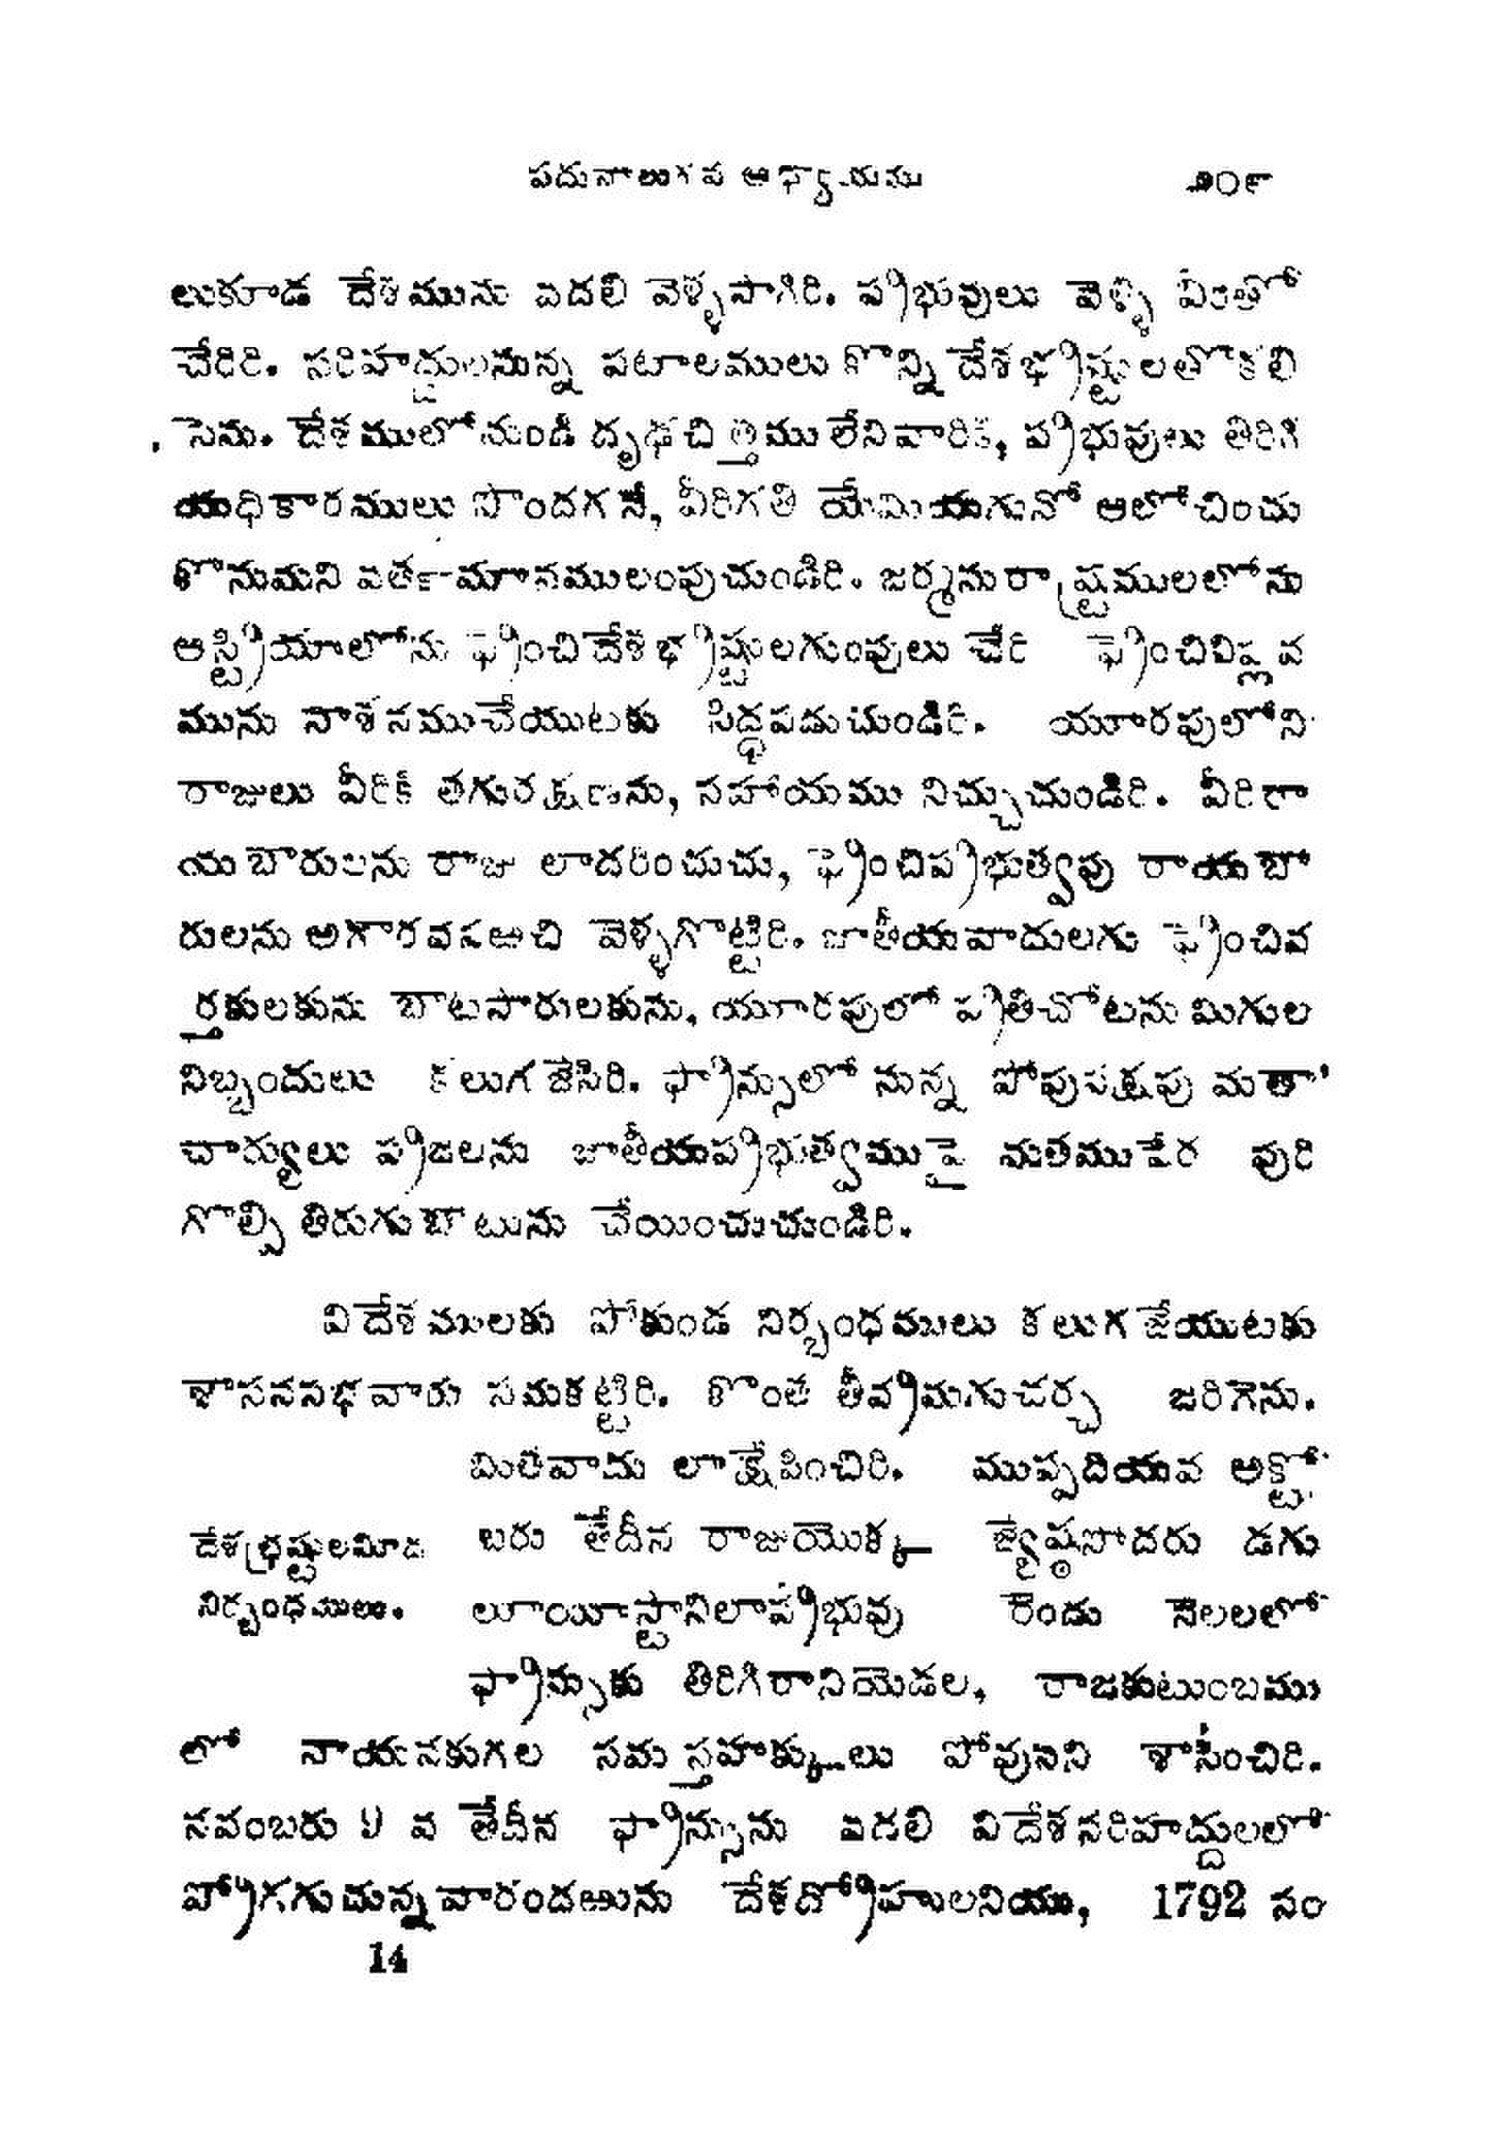ఇంకా
లుకూడ దేశమును ఎదలి వెళ్ళసాగిరి. ప్రభువులు వెళ్ళి వీరితో
చేరిరి.. సరిహద్దు సున్న పటాలములు కొన్ని దేశ భ్రష్టులతోకలి .
సెను. దేశములోనుండి దృఢ చిత్తము లేని వారిని, ప్రభువులు తిరిగి
యధికారములు పొందగనే, వీరిగతి యేమినుగునో ఆలోచించు
కొనుమని వర్తమానములంపుచుండిరి. జర్మసురాష్ట్రములలోను
ఆస్ట్రియాలోను. ఫ్రెంచి దేశ బ్రష్టులగుంపులు చేరి ఫెంచివిష్ణ వ
మును నాశనము చేయుటకు సిద్ధపడు చుండిరి, యూరపులోని
రాజులు వీరికి తగుర క్షణను, సహాయము నిచ్చుచుండిరి. వీరిరా
యబారులను రాజు లాదరించుచు, ఫ్రెంచిప్రభుత్వపు రాయబా
రులను అగౌర వపరచి వెళ్ళగొట్టిరి.. జాతీయ వాదులగు ఫ్రెంచివ
ర్తకులకును బాటసారులకును, యూరపులో ప్రతిచోటను మిగుల
నిబ్బందులు కలుగ జేసిరి. ఫ్రాన్సులో సున్న పోపు పక్షపు మతా
చార్యులు ప్రజలను జాతీయ ప్రభుత్వము పై మతము పేర వురి
గొల్పి తిరుగుబాటును చేయించుచుండిరి.

దేశభ్రష్టుల
మీద నిర్బంధము
విదేశములకు పోకుండ నిర్బంధములు కలుగజేయుటకు
శాసనసభ వారు సమకట్టిరి. కొంత తీవ్రముగుచర్చ జరిగెను.
మితవాదు లా క్షేపించిరి. ముప్పదియవ అక్టో'బరు 
తేదీన రాజు యొక్క జ్యేష్ఠ సోదరు డగు లూయీస్టానిలా ప్రభువు
రెండు నెలలలోఫ్రాన్సుకు తిరిగిరానియెడల, రాజకుటుంబము
నాయనకుగల సమస్తహక్కులు పోవునిని శాసించిరి.
సవంబరు 9 వ తేదీన ఫ్రాన్సును ఎగలి విదేశ సరిహద్దులలో
ప్రోగగుచున్న వారందఱును దేశద్రోహులనియు, 1792 నం